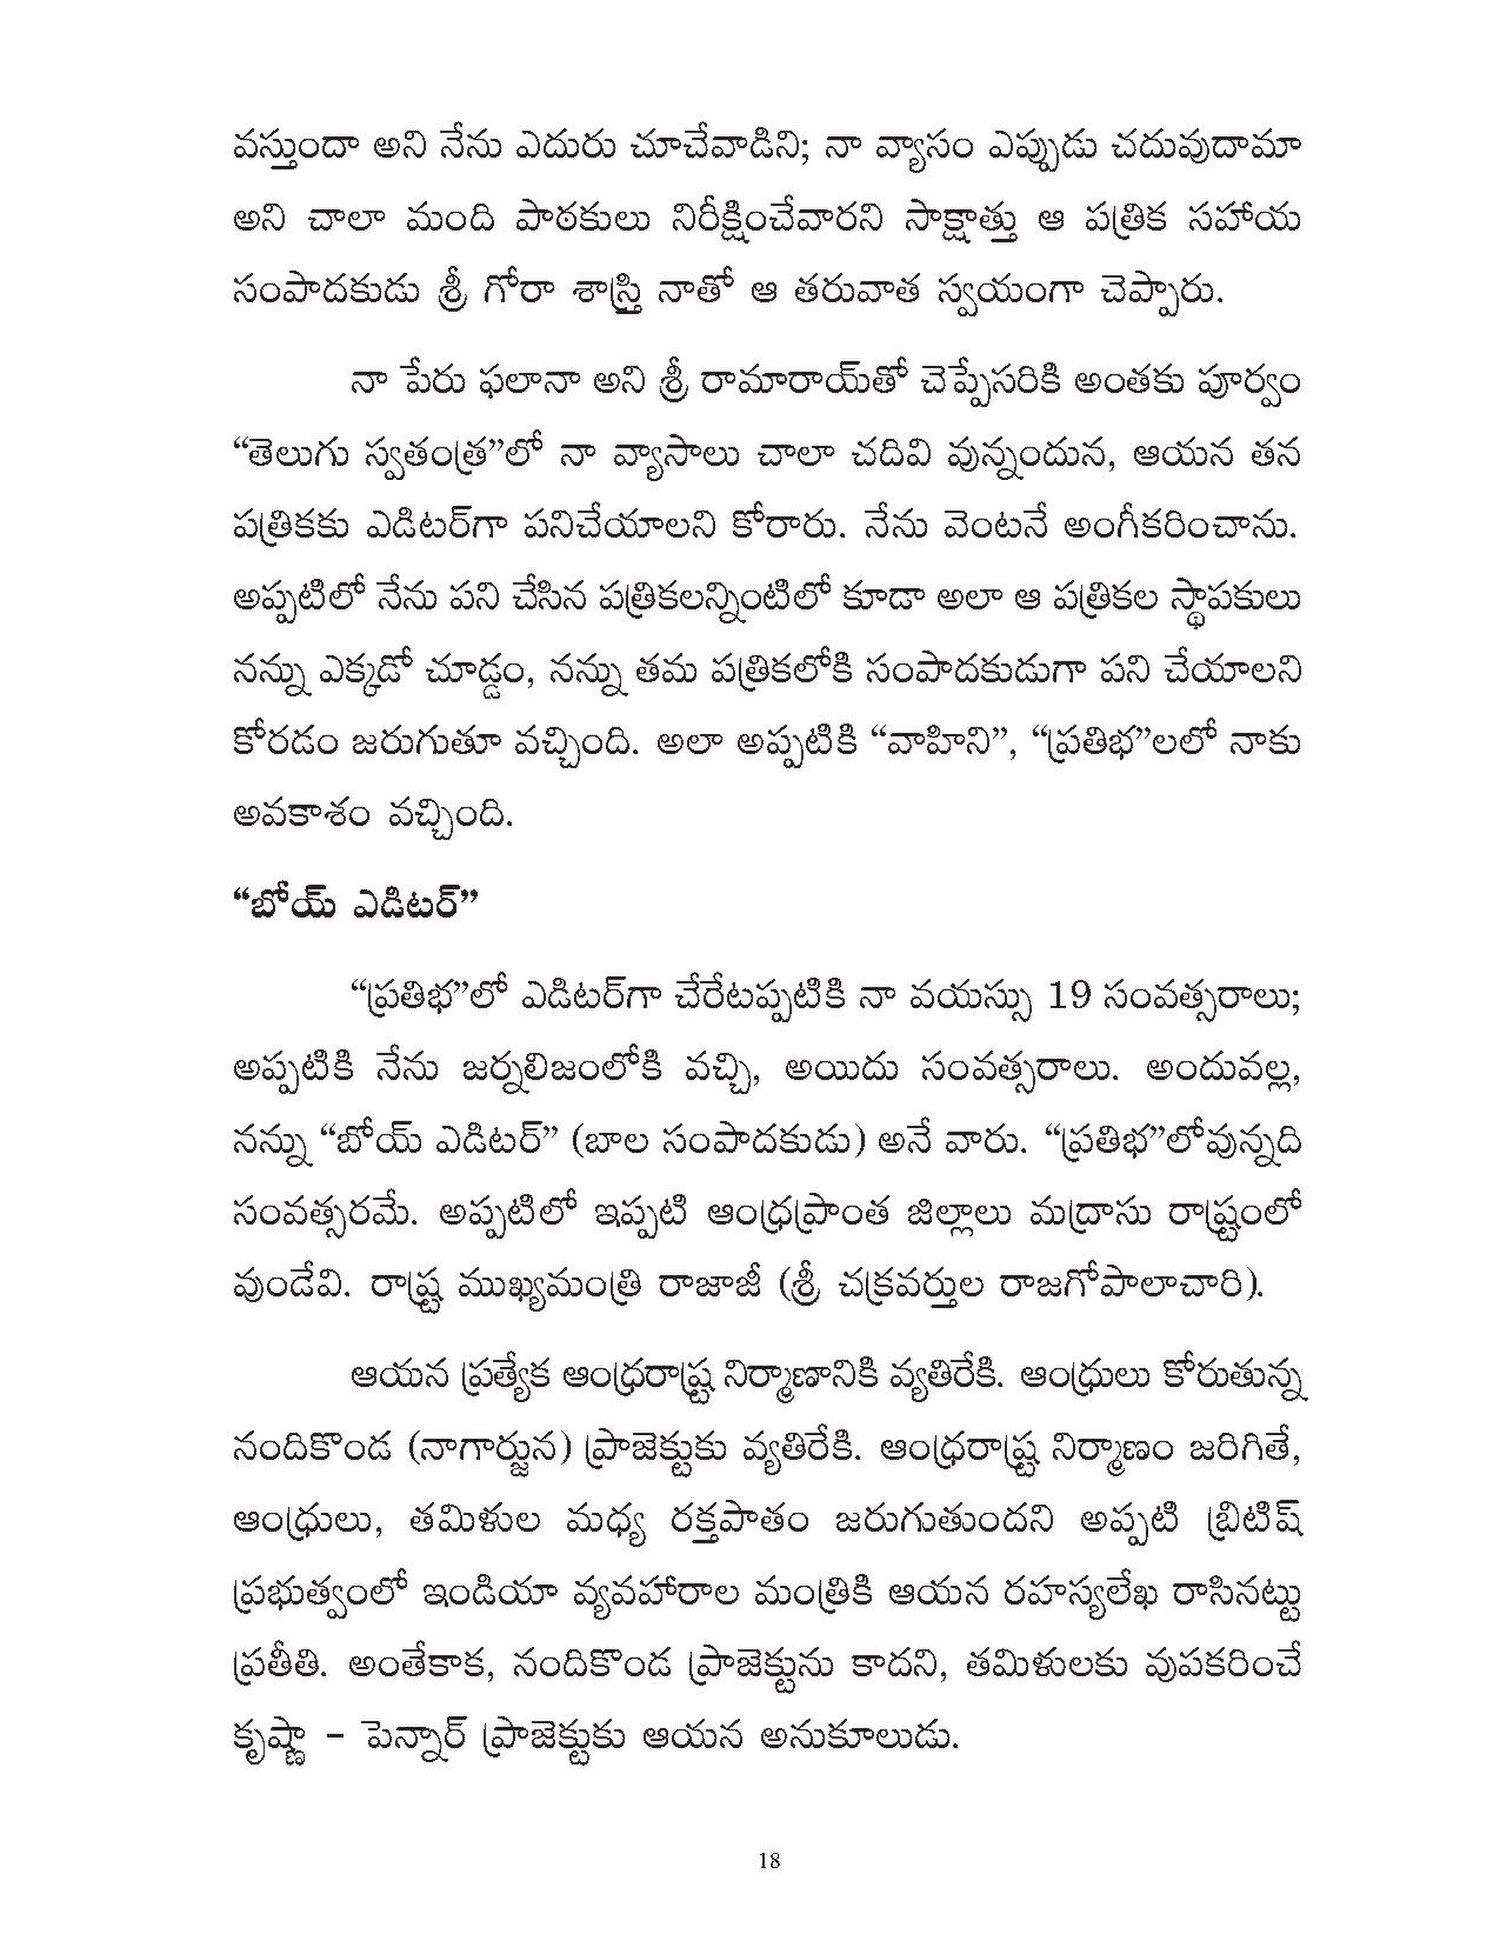వస్తుందా అని నేను ఎదురు చూచేవాడిని; నా వ్యాసం ఎప్పుడు చదువుదామా
అని చాలా మంది పాఠకులు నిరీక్షించేవారని సాక్షాత్తు ఆ పత్రిక సహాయ
సంపాదకుడు శ్రీ గోరా శాస్త్రి నాతో ఆ తరువాత స్వయంగా చెప్పారు.

నా పేరు ఫలానా అని శ్రీ రామారాయ్‌తో చెప్పేసరికి అంతకు పూర్వం
"తెలుగు స్వతంత్ర"లో నా వ్యాసాలు చాలా చదివి వున్నందున, ఆయన తన
పత్రికకు ఎడిటర్‌గా పనిచేయాలని కోరారు. నేను వెంటనే అంగీకరించాను.
అప్పటిలో నేను పని చేసిన పత్రికలన్నింటిలో కూడా అలా ఆ పత్రికల స్థాపకులు
నన్ను ఎక్కడో చూడ్డం, నన్ను తమ పత్రికలోకి సంపాదకుడుగా పని చేయాలని
కోరడం జరుగుతూ వచ్చింది. అలా అప్పటికి "వాహిని", "ప్రతిభ"లలో నాకు
అవకాశం వచ్చింది.

"బోయ్ ఎడిటర్‌"
"ప్రతిభ"లో ఎడిటర్‌గా చేరేటప్పటికి నా వయస్సు 19 సంవత్సరాలు;
అప్పటికి నేను జర్నలిజంలోకి వచ్చి, అయిదు సంవత్సరాలు. అందువల్ల,
నన్ను "బోయ్ ఎడిటర్‌" (బాల సంపాదకుడు) అనే వారు. "ప్రతిభ"లోవున్నది
సంవత్సరమే. అప్పటిలో ఇప్పటి ఆంధ్రప్రాంత జిల్లాలు మద్రాసు రాష్ట్రంలో
వుండేవి. రాష్ట్ర ముఖ్యమంత్రి రాజాజీ (శ్రీ చక్రవర్తుల రాజగోపాలాచారి).

ఆయన ప్రత్యేక ఆంధ్రరాష్ట్ర నిర్మాణానికి వ్యతిరేకి. ఆంధ్రులు కోరుతున్న
నందికొండ (నాగార్జున) ప్రాజెక్టుకు వ్యతిరేకి. ఆంధ్రరాష్ట్ర నిర్మాణం జరిగితే,
ఆంధ్రులు, తమిళుల మధ్య రక్తపాతం జరుగుతుందని అప్పటి బ్రిటిష్‌
ప్రభుత్వంలో ఇండియా వ్యవహారాల మంత్రికి ఆయన రహస్యలేఖ రాసినట్టు
ప్రతీతి. అంతేకాక, నందికొండ ప్రాజెక్టును కాదని, తమిళులకు వుపకరించే
కృష్ణా - పెన్నార్‌ ప్రాజెక్టుకు ఆయన అనుకూలుడు.